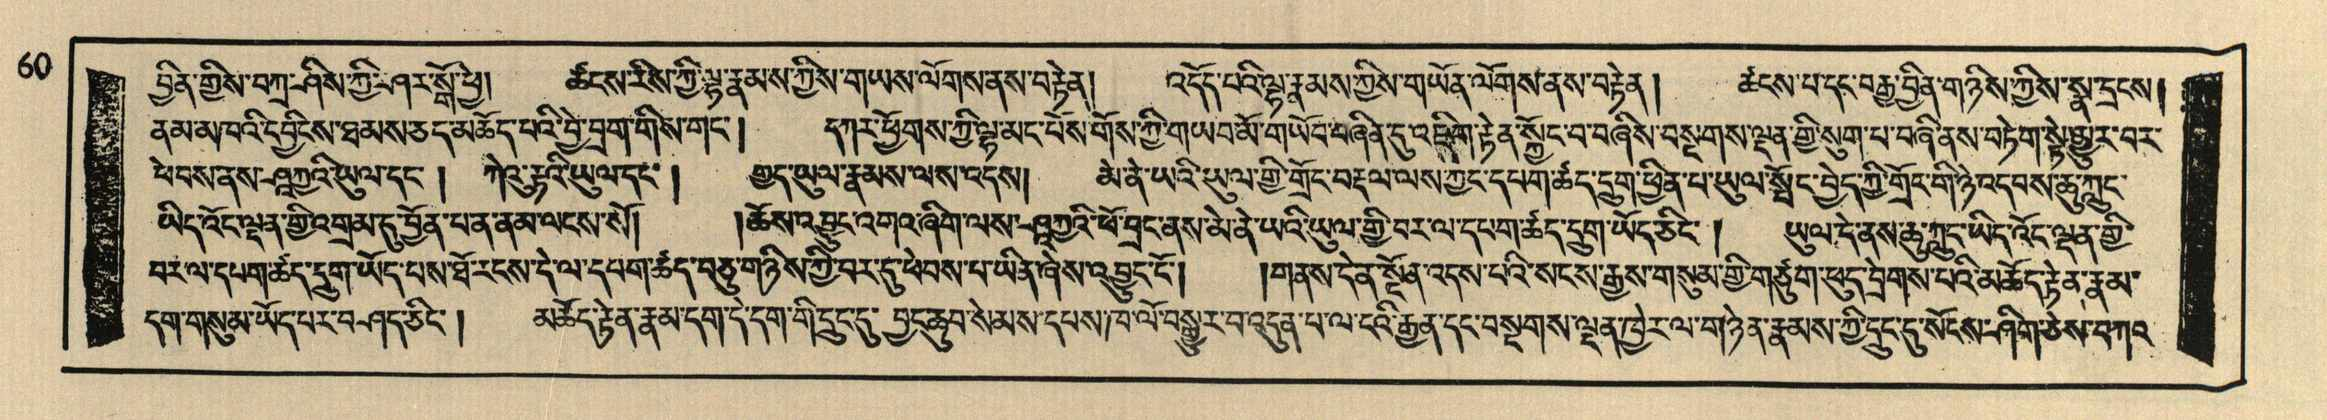བྱིན་གྱིས་བཀྲ་ཤིས་ཀྱི་ཤར་སྒོ་ཕྱེ། ཚངས་རིས་ཀྱི་ལྷ་རྣམས་ཀྱིས་གཡས་ལོགས་ནས་བརྟེན། འདོད་པའི་ལྷ་རྣམས་ཀྱིས་གཡོན་ལོགས་ནས་བརྟེན། ཚངས་པ་དང་བརྒྱ་བྱིན་གཉིས་ཀྱིས་སྣ་དྲངས།
ནམ་མཁའི་དབྱིངས་ཐམས་ཅད་མཆོད་པའི་བྱེ་བྲག་གིས་གང་། དཀར་ཕྱོགས་ཀྱི་ལྷ་མང་པོས་གོས་ཀྱི་གཡབ་མོ་གཡོབ་བཞིན་དུ་འཇིག་རྟེན་སྐྱོང་བ་བཞིས་བསྔགས་ལྡན་གྱི་སུག་པ་བཞི་ནས་བཏེག་སྟེ་མྱུར་བར་
ཕེབས་ནས་ཤཱཀྱའི་ཡུལ་དང་། ཀེའུ་རྟའི་ཡུལ་དང་། གྱད་ཡུལ་རྣམས་ལས་འདས། མེ་ནེ་ཡའི་ཡུལ་གྱི་གྲོང་བརྡལ་ལས་ཀྱང་དཔག་ཚད་དྲུག་ཕྱིན་པ་ཡུལ་སྤོང་བྱེད་ཀྱི་གྲོང་གི་ཉེ་འདབས་ཆུ་ཀླུང་
ཡིད་འོང་ལྡན་གྱི་འགྲམ་དུ་བྱོན་པན་ནམ་ལངས་སོ། །ཆོས་འབྱུང་འགའ་ཞིག་ལས་ཤཱཀྱའི་ཕོ་བྲང་ནས་མེ་ནེ་ཡའི་ཡུལ་གྱི་བར་ལ་དཔག་ཚད་དྲུག་ཡོད་ཅིང་། ཡུལ་དེ་ནས་ཆུ་ཀླུང་ཡིད་འོང་ལྡན་གྱི་
བར་ལ་དཔག་ཚད་དྲུག་ཡོད་པས་ཐོ་རངས་དེ་ལ་དཔག་ཚད་བཅུ་གཉིས་ཀྱི་བར་དུ་ཕེབས་པ་ཡིན་ཞེས་འབྱུང་ངོ། །གནས་དེ་ན་སྔོན་འདས་པའི་སངས་རྒྱས་གསུམ་གྱི་གཙུག་ཕུད་བྲེགས་པའི་མཆོད་རྟེན་རྣམ་
དག་གསུམ་ཡོད་པར་བཤད་ཅིང་། མཆོད་རྟེན་རྣམ་དག་དེ་དག་གི་དྲུང་དུ་བྱང་ཆུབ་སེམས་དཔས་ཁ་ལོ་བསྒྱུར་བ་འདུན་པ་ལ་དའི་རྒྱན་དང་བསྔགས་ལྡན་ཁྱེར་ལ་གཉེན་རྣམས་ཀྱི་དྲུང་དུ་སོངས་ཤིག་ཅེས་བཀའ་